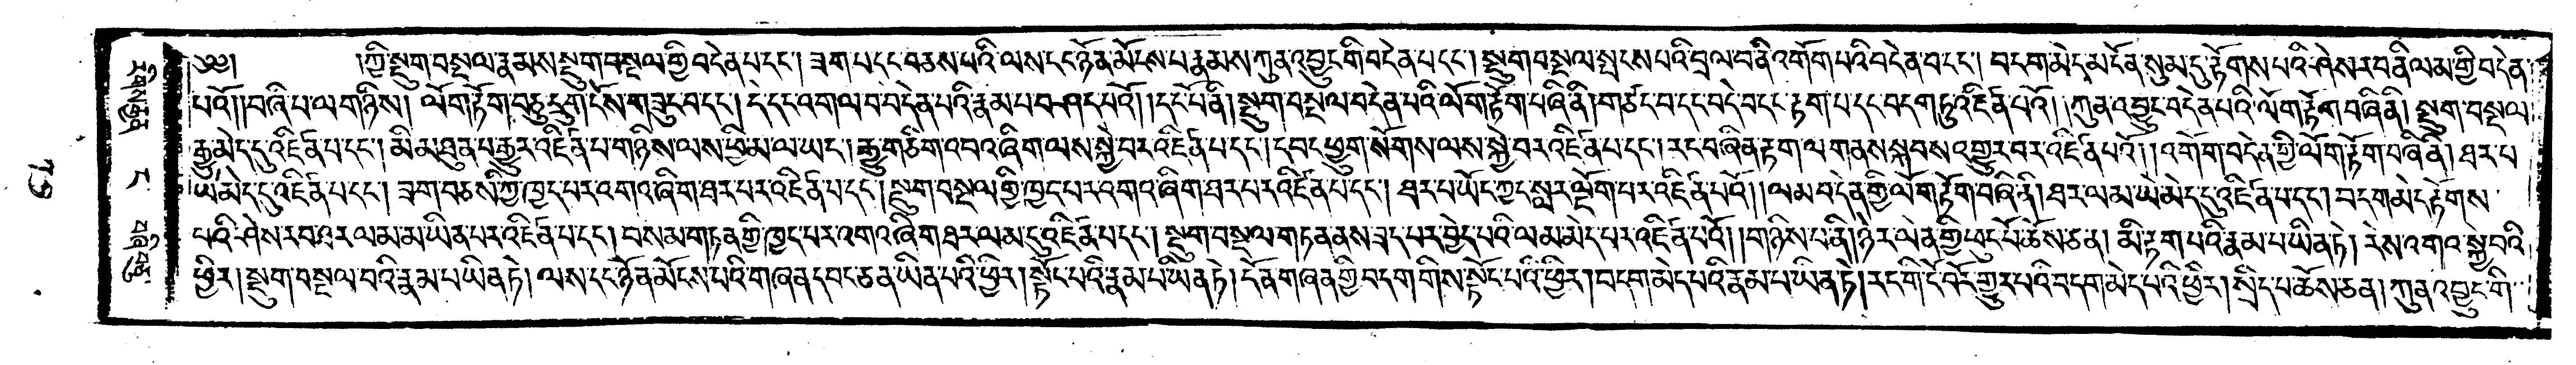༄༅། །ཀྱི་སྡུག་བསྔལ་རྣམས་སྡུག་བསྔལ་གྱི་བདེན་པ་དང་། ཟག་པ་དང་བཅས་པའི་ལས་དང་ཉོན་མོངས་པ་རྣམས་ཀུན་འབྱུང་གི་བདེན་པ་དང་། སྡུག་བསྔལ་སྤངས་པའི་བྲལ་བ་ནི་འགོག་པའི་བདེན་པ་དང་། བདག་མེད་མངོན་སུམ་དུ་རྟོགས་པའི་ཤེས་རབ་ནི་ལམ་གྱི་བདེན་
པའོ། །བཞི་པ་ལ་གཉིས། ལོག་རྟོག་བཅུ་དྲུག་ངོས་གཟུང་བ་དང་། དེ་དང་འགལ་བ་བདེན་པའི་རྣམ་པ་བཤད་པའོ། །དང་པོ་ནི། སྡུག་བསྔལ་བདེན་པའི་ལོག་རྟོག་བཞི་ནི། གཅང་བ་དང་བདེ་བ་དང་རྟག་པ་དང་བདག་ཏུ་འཛིན་པའོ། །ཀུན་འབྱུང་བདེན་པའི་ལོག་རྟོག་བཞི་ནི། སྡུག་བསྔལ་
རྒྱུ་མེད་དུ་འཛིན་པ་དང་། མི་མཐུན་པ་རྒྱུར་འཛིན་པ་གཉིས་ལས་ཕྱི་མ་ལ་ཡང་། རྒྱུ་གཅིག་འབའ་ཞིག་ལས་སྐྱེ་བར་འཛིན་པ་དང་། དབང་ཕྱུག་སོགས་ལས་སྐྱེ་བར་འཛིན་པ་དང་། རང་བཞིན་རྟག་ལ་གནས་སྐབས་འགྱུར་བར་འཛིན་པའོ། །འགོག་བདེན་གྱི་ལོག་རྟོག་བཞི་ནི། ཐར་པ་
ཡེ་མེད་དུ་འཛིན་པ་དང་། ཟག་བཅས་ཀྱི་ཁྱད་པར་འགའ་ཞིག་ཐར་པར་འཛིན་པ་དང་། སྡུག་བསྔལ་གྱི་ཁྱད་པར་འགའ་ཞིག་ཐར་པར་འཛིན་པ་དང་། ཐར་པ་ཡོད་ཀྱང་སླར་ལྡོག་པར་འཛིན་པའོ། །ལམ་བདེན་གྱི་ལོག་རྟོག་བཞི་ནི། ཐར་ལམ་ཡེ་མེད་དུ་འཛིན་པ་དང་། བདག་མེད་རྟོགས་
པའི་ཤེས་རབ་ཐར་ལམ་མ་ཡིན་པར་འཛིན་པ་དང་། བསམ་གཏན་གྱི་ཁྱད་པར་འགའ་ཞིག་ཐར་ལམ་དུ་འཛིན་པ་དང་། སྡུག་བསྔལ་གཏན་ནས་ཟད་པར་བྱེད་པའི་ལམ་མེད་པར་འཛིན་པའོ། །གཉིས་པ་ནི། ཉེར་ལེན་གྱི་ཕུང་པོ་ཆོས་ཅན། མི་རྟག་པའི་རྣམ་པ་ཡིན་ཏེ། རེས་འགའ་སྐྱེ་བའི་
ཕྱིར། སྡུག་བསྔལ་བའི་རྣམ་པ་ཡིན་ཏེ། ལས་དང་ཉོན་མོངས་པའི་གཞན་དབང་ཅན་ཡིན་པའི་ཕྱིར། སྟོང་པའི་རྣམ་པ་ཡིན་ཏེ། དོན་གཞན་གྱི་བདག་གིས་སྟོང་པའི་ཕྱིར། བདག་མེད་པའི་རྣམ་པ་ཡིན་ཏེ། རང་གི་ངོ་བོར་གྱུར་པའི་བདག་མེད་པའི་ཕྱིར། སྲེད་པ་ཆོས་ཅན། ཀུན་འབྱུང་གི་